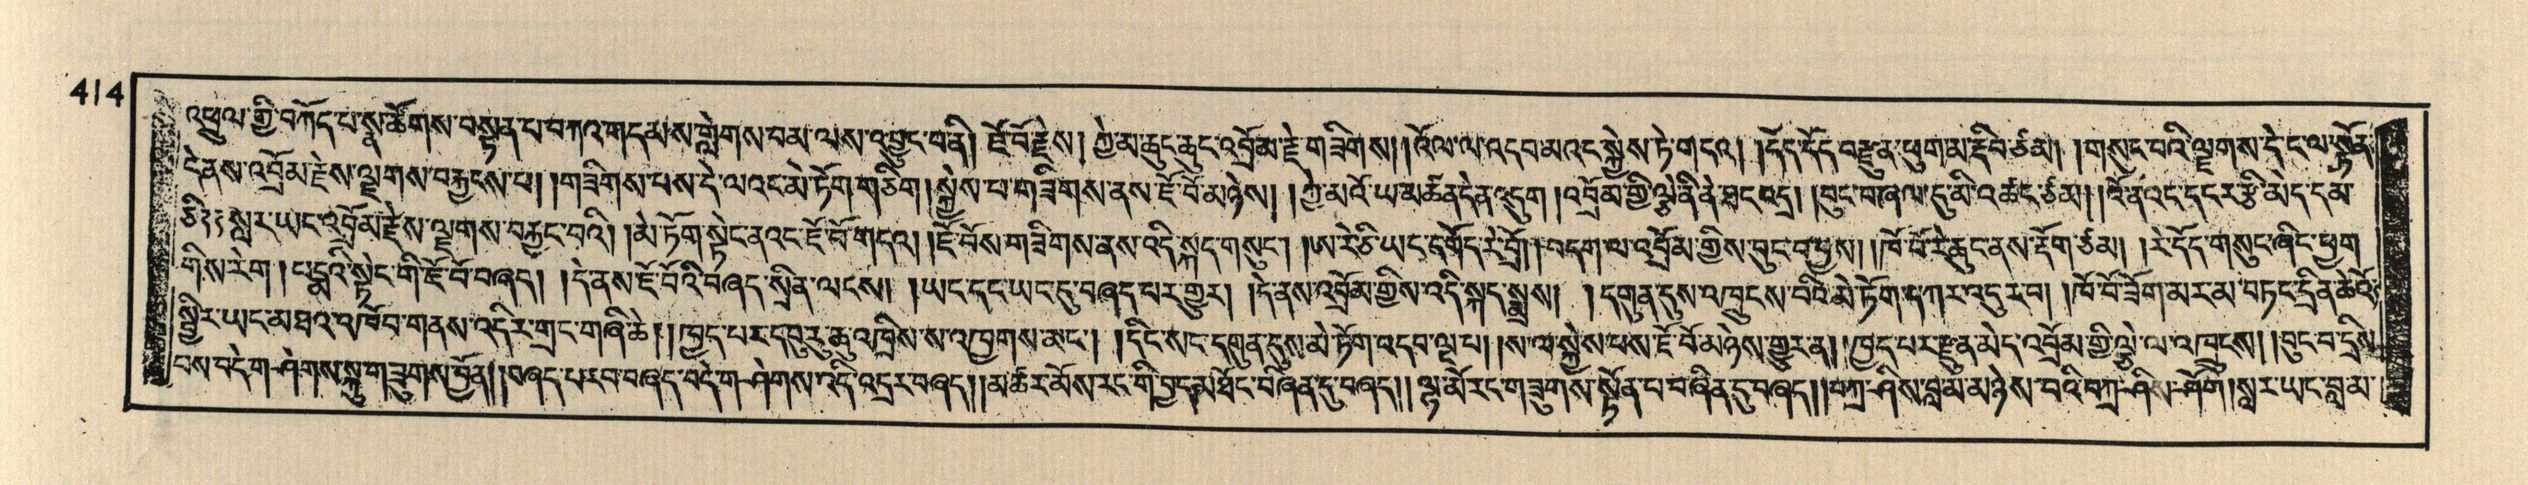འཕྲུལ་གྱི་བཀོད་པ་སྣ་ཚོགས་བསྟན་པ་བཀའ་གདམས་གླེགས་བམ་ལས་འབྱུང་བ་ནི། ཇོ་བོ་རྗེས། ཀྱེ་མ་ཆུང་ཆུང་འབྲོམ་རྗེ་གཟིགས། །འོལ་ལ་འདབ་མའང་སྐྱེས་ཏེ་གདའ། །དོད་དོད་བརྫུན་ཕུག་མ་རྡིབ་ཙམ། །གསུང་བའི་ལྗགས་དེ་ང་ལ་སྟོན་
དེ་ནས་འབྲོམ་རྗེས་ལྗགས་བརྐྱངས་པ། །གཟིགས་པས་དེ་ལའང་མེ་ཏོག་གཅིག། སྐྱེས་པ་གཟིགས་ནས་ཇོ་བོ་མཉེས། །ཀྱེ་མའོ་ཡ་མཚན་དེ་ན་འདུག །འབྲོམ་གྱི་ལྕེ་ནི་ནེ་ཐང་འདྲ། །བུང་བ་ཞལ་དུ་མི་འཚང་ཙམ། །འོ་ནའང་དངར་རྩི་མེད་དམ་
ཅི༑ ༑སླར་ཡང་འབྲོམ་རྗེས་ལྗགས་བརྐྱང་བའི། །མེ་ཏོག་སྟེང་ནའང་ཇོ་བོ་གདའ། །ཇོ་བོས་གཟིགས་ནས་འདི་སྐད་གསུང་། །ཨ་རེ་ཅི་ཡང་དགོད་རེ་བྲོ། །བདག་ལ་འབྲོམ་གྱིས་བུང་བ་བྱས། །ཁོ་བོ་རེ་ཆུང་ནས་རྡོག་ཙམ། །རེ་དོད་གསུང་ཞིང་ཕྱག་
གིས་རེག། པདམའི་སྟེང་གི་ཇོ་བོ་བཞད། །དེ་ནས་ཇོ་བོའི་བཞད་སྲིན་ལངས། །ཡང་དང་ཡང་དུ་བཞད་པར་གྱུར། །དེ་ནས་འབྲོམ་གྱིས་འདི་སྐད་སྨྲས། །དགུན་དུས་འཁྲུངས་བའི་མེ་ཏོག་དཀར་འདུར་བ། །ཁོ་བོ་ཟོག་མར་མ་བཏང་དྲིན་ཆེའོ་
སྦྱིར་ཡང་མཐའ་འཁོབ་གནས་འདིར་གྲང་གཞི་ཆེ། །ཁྱད་པར་དབུ་རུ་ཆུ་འཁྲིས་ས་འཁྱགས་མང་། །དིང་སང་དགུན་དུས་མེ་ཏོག་འདབ་ལྔ་པ། །ས་ལ་སྐྱེས་པས་ཇོ་བོ་མཉེས་གྱུར་ན། །ཁྱད་པར་རྫུན་མེད་འབྲོམ་གྱི་ལྕེ་ལ་འཁྲུངས། །བུང་བ་དྲིས་
བས་བདེ་གཤེགས་སྐུ་གཟུགས་བྱོན། །བཞད་པ་རབ་བཞད་བདེ་གཤེགས་འདི་འདྲར་བཞད། །མཚར་མོས་རང་གི་བྱད་མཐོང་བཞིན་དུ་བཞད། །ལྷ་མོ་རང་གཟུགས་སྟོན་པ་བཞིན་དུ་བཞད། །བཀྲ་ཤིས་བླ་མ་མཉེས་བའི་བཀྲ་ཤིས་ཤོག། སླར་ཡང་བླ་མ་